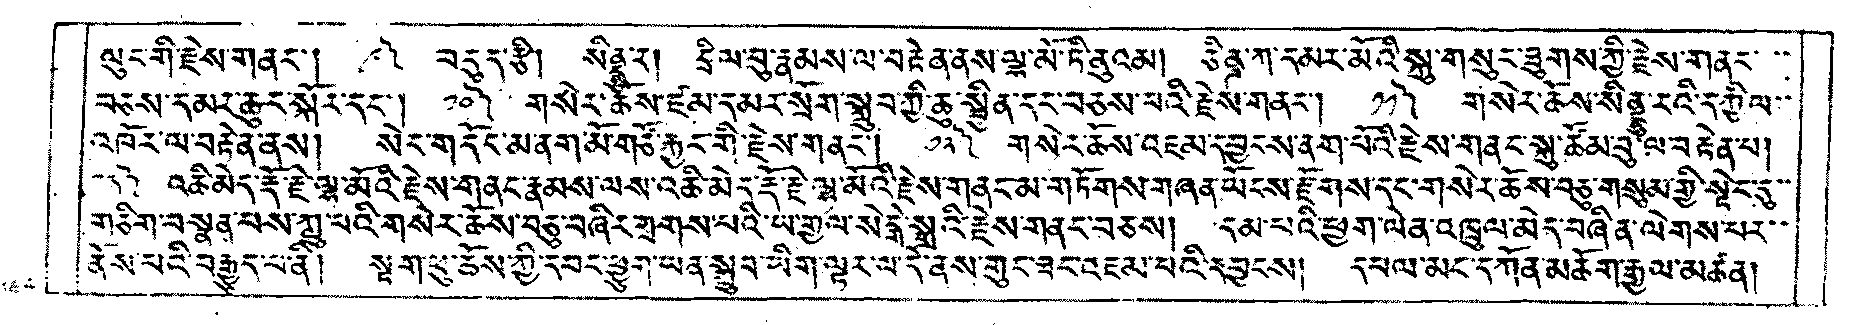ལུང་གི་རྗེས་གནང་། ༩?་བདུད་རྩི། སིནྡྷུ་ར། དྲིལ་བུ་རྣམས་ལ་བརྟེན་ནས་ལྷ་མོ་ཏི་ནུའམ། ཅིནྜ་ཀ་དམར་མོའི་སྐུ་གསུང་ཐུགས་ཀྱི་རྗེས་གནང་
བཅས་དམར་ཆུང་སྐོར་དང་། ༡༠?་གསེར་ཆོས་ཛམ་དམར་སྲོག་སྒྲུབ་ཀྱི་ཆུ་སྦྱིན་དང་བཅས་པའི་རྗེས་གནང་། ༡༡?་གསེར་ཆོས་སིནྡྷུ་རའི་དཀྱིལ་
འཁོར་ལ་བརྟེན་ནས། སེང་གདོང་མ་ནག་མོ་གཙོ་རྐྱང་གི་རྗེས་གནང་། ༡༢?་གསེར་ཆོས་འཇམ་དབྱངས་ནག་པོའི་རྗེས་གནང་སྐུ་ཚོམ་བུ་ལ་བརྟེན་པ།
༡༣?་འཆི་མེད་རྡོ་རྗེ་ལྷ་མོའི་རྗེས་གནང་རྣམས་ལས་འཆི་མེད་རྡོ་རྗེ་ལྷ་མོའི་རྗེས་གནང་མ་གཏོགས་གཞན་ཡོངས་རྫོགས་དང་གསེར་ཆོས་བཅུ་གསུམ་གྱི་སྟེང་དུ་
གཅིག་བསྣན་པས་ཀླུ་པའི་གསེར་ཆོས་བཅུ་བཞིར་གྲགས་པའི་ཡ་གྱལ་སེངྒེ་སྒྲའི་རྗེས་གནང་བཅས། དམ་པའི་ཕྱག་ལེན་འཁྲུལ་མེད་བཞིན་ལེགས་པར་
ནོས་པའི་བརྒྱུད་པ་ནི། སྟག་ཕུ་ཆོས་ཀྱི་དབང་ཕྱུག་ཡན་སྒྲུབ་ཡིག་ལྟར་ལ་དེ་ནས་གུང་ཐང་འཇམ་པའི་དབྱངས། དཔལ་མང་དཀོན་མཆོག་རྒྱལ་མཚན།